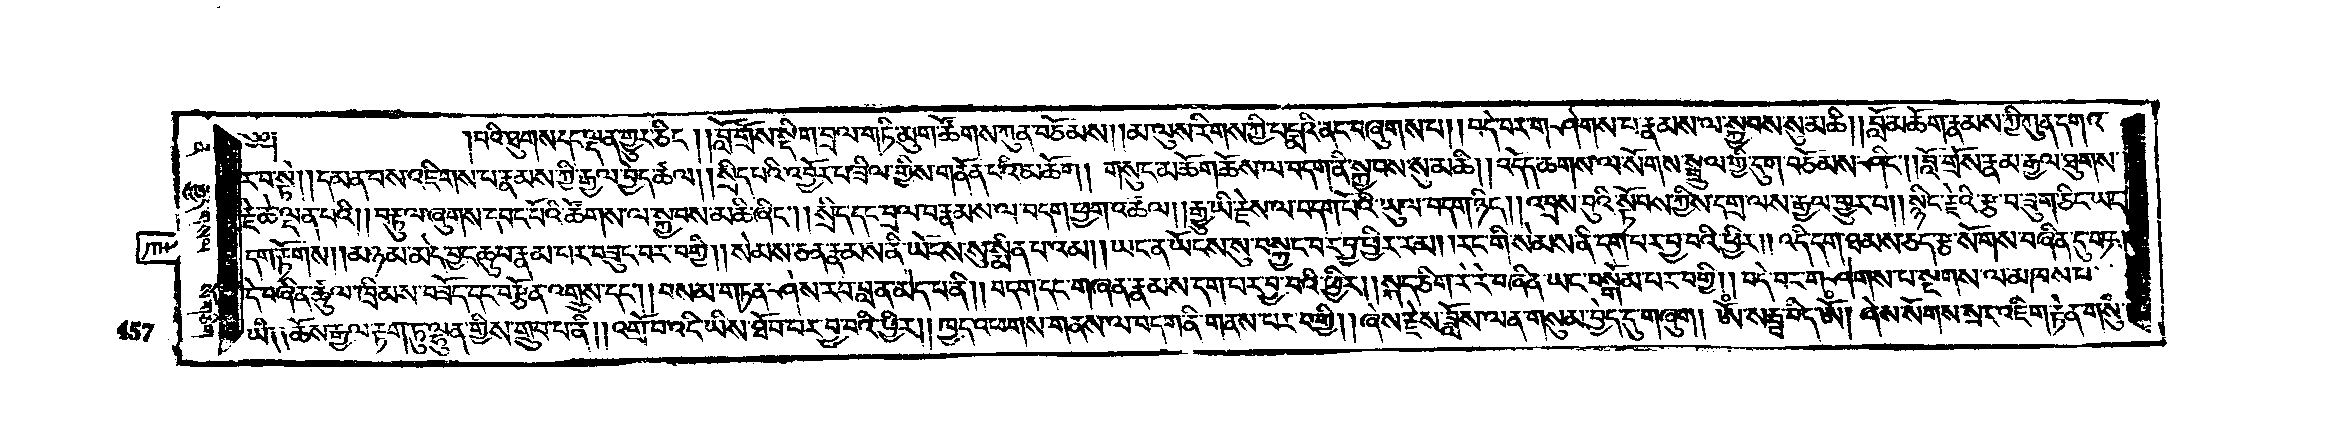༄༅། །པའི་ཐུགས་དང་ལྡན་གྱུར་ཅིང་། །བློ་གྲོས་སྡིག་བྲལ་གཏི་མུག་ཚོགས་ཀུན་བཅོམས། །མ་ལུས་རིགས་ཀྱི་པདམའི་ནང་བཞུགས་པ། །བདེ་བར་གཤེགས་པ་རྣམས་ལ་སྐྱབས་སུ་མཆི། །བློ་མཆོག་རྣམས་ཀྱི་ཀུན་དགའ་
ར་བ་སྟེ། །དམན་པས་འཇིགས་པ་རྣམས་ཀྱི་རྒྱལ་བྱེད་ཚལ། །སྲིད་པའི་འབྱོར་པ་ཟིལ་གྱིས་གནོན་པའི་མཆོག །གསུང་མཆོག་ཆོས་ལ་བདག་ནི་སྐྱབས་སུ་མཆི། །འདོད་ཆགས་ལ་སོགས་སྦྲུལ་གྱི་དུག་བཅོམས་ཤིང་། །བློ་གྲོས་རྣམ་རྒྱལ་ཐུགས་
རྗེ་ཆེ་ལྡན་པའི། །བརྟུལ་ཞུགས་དབང་པོའི་ཚོགས་ལ་སྐྱབས་མཆི་ཞིང་། །སྲིད་དང་བྲལ་བ་རྣམས་ལ་བདག་ཕྱག་འཚལ། །རྒྱུ་ཡི་རྗེས་ལ་བདག་པོའི་ཡུལ་བདག་ཉིད། །འབྲས་བུའི་སྟོབས་ཀྱིས་དགྲ་ལས་རྒྱལ་གྱུར་བ། །སྙིང་རྗེའི་རྩ་བ་ཟུག་ཅིང་ཡང་
དག་རྟོགས། །མཉམ་མེད་བྱང་ཆུབ་རྣམ་པར་བཟུང་བར་བགྱི། །སེམས་ཅན་རྣམས་ནི་ཡོངས་སུ་སྨིན་པ་འམ། །ཡང་ན་ཡོངས་སུ་བསྐྱེད་པར་བྱ་ཕྱིར་རམ། །རང་གི་སེམས་ནི་དག་པར་བྱ་བའི་ཕྱིར། །འདི་དག་ཐམས་ཅད་རྩ་སོགས་བཞིན་དུ་བཏང་
དེ་བཞིན་ཚུལ་ཁྲིམས་བཟོད་དང་བརྩོན་འགྲུས་དང་། །བསམ་གཏན་ཤེས་རབ་བླ་ན་མེད་པ་ནི། །བདག་དང་གཞན་རྣམས་དག་པར་བྱ་བའི་ཕྱིར། །སྐད་ཅིག་རེ་རེ་བཞིན་ཡང་བསྒོམ་པར་བགྱི། །བདེ་བར་གཤེགས་པ་སྔགས་ལ་མཁས་པ་
ཡི༑ ༑ཆོས་རྒྱལ་རྟག་ཏུ་ལྷུན་གྱིས་གྲུབ་པ་ནི། །འགྲོ་བ་འདི་ཡིས་ཐོབ་པར་བྱ་བའི་ཕྱིར། །ཁྱད་འཕགས་གནས་ལ་བདག་ནི་གནས་པར་བགྱི། །ཞེས་རྗེས་ཟློས་ལན་གསུམ་བྱེད་དུ་གཞུག །ཨོཾ་སརྦྦ་བིད་ཨོཾ། ཞེས་སོགས་སྔར་འཇིག་རྟེན་གསུཾ་